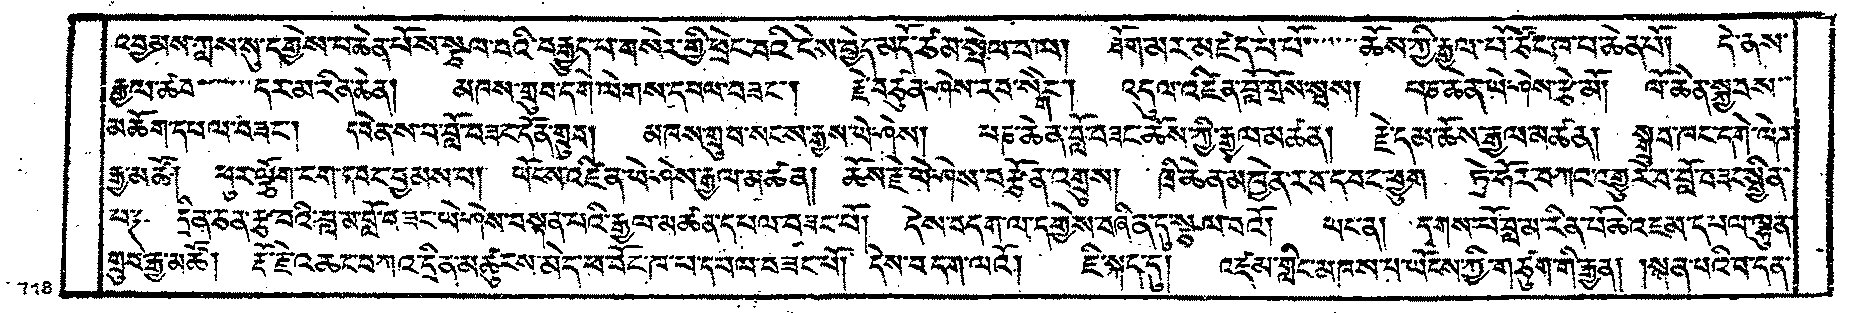འབྱམས་ཀླས་སུ་དགྱེས་པ་ཆེན་པོས་སྩལ་བའི་བརྒྱུད་པ་གསེར་གྱི་ཕྲེང་བའི་ངེས་བྱེད་མདོ་ཙམ་སྤེལ་བ་ལ། ཐོག་མར་མཛད་པ་པོ་ཆོས་ཀྱི་རྒྱལ་པོ་ཙོང་ཁ་པ་ཆེན་པོ། དེ་ནས་
རྒྱལ་ཚབ་དར་མ་རིན་ཆེན། མཁས་གྲུབ་དགེ་ལེགས་དཔལ་བཟང་། རྗེ་བཙུན་ཤེས་རབ་སེངྒེ། འདུལ་འཛིན་བློ་གྲོས་སྤས། པཎ་ཆེན་ཡེ་ཤེས་རྩེ་མོ། ལོ་ཆེན་སྐྱབས་
མཆོག་དཔལ་བཟང་། དབེན་ས་པ་བློ་བཟང་དོན་གྲུབ། མཁས་གྲུབ་སངས་རྒྱས་ཡེ་ཤེས། པཎ་ཆེན་བློ་བཟང་ཆོས་ཀྱི་རྒྱལ་མཚན། རྗེ་དམ་ཆོས་རྒྱལ་མཚན། སྒྲུབ་ཁང་དགེ་ལེགས་
རྒྱ་མཚོ། ཕུར་ལྕོག་ངག་དབང་བྱམས་པ། ཡོངས་འཛིན་ཡེ་ཤེས་རྒྱལ་མཚན། ཆོས་རྗེ་ཡེ་ཤེས་བརྩོན་འགྲུས། ཁྲི་ཆེན་མཁྱེན་རབ་དབང་ཕྱུག །ཏྲེ་ཧོར་བཀའ་འགྱུར་བ་བློ་བཟང་སྦྱིན་
པ༑ དྲིན་ཅན་རྩ་བའི་བླ་མ་བློ་བཟང་ཡེ་ཤེས་བསྟན་པའི་རྒྱལ་མཚན་དཔལ་བཟང་པོ། དེས་བདག་ལ་དགྱེས་བཞིན་དུ་སྩལ་བའོ། ཡང་ན། དྭགས་པོ་བླ་མ་རིན་པོ་ཆེ་འཇམ་དཔལ་ལྷུན་
གྲུབ་རྒྱ་མཚོ། རྡོ་རྗེ་འཆང་བཀའ་དྲིན་མཚུངས་མེད་ཕ་བོང་ཁ་པ་དཔལ་བཟང་པོ། དེས་བདག་ལའོ། ཇི་སྐད་དུ། འཛམ་གླིང་མཁས་པ་ཡོངས་ཀྱི་གཙུག་གི་རྒྱན། །སྙན་པའི་བ་དན་